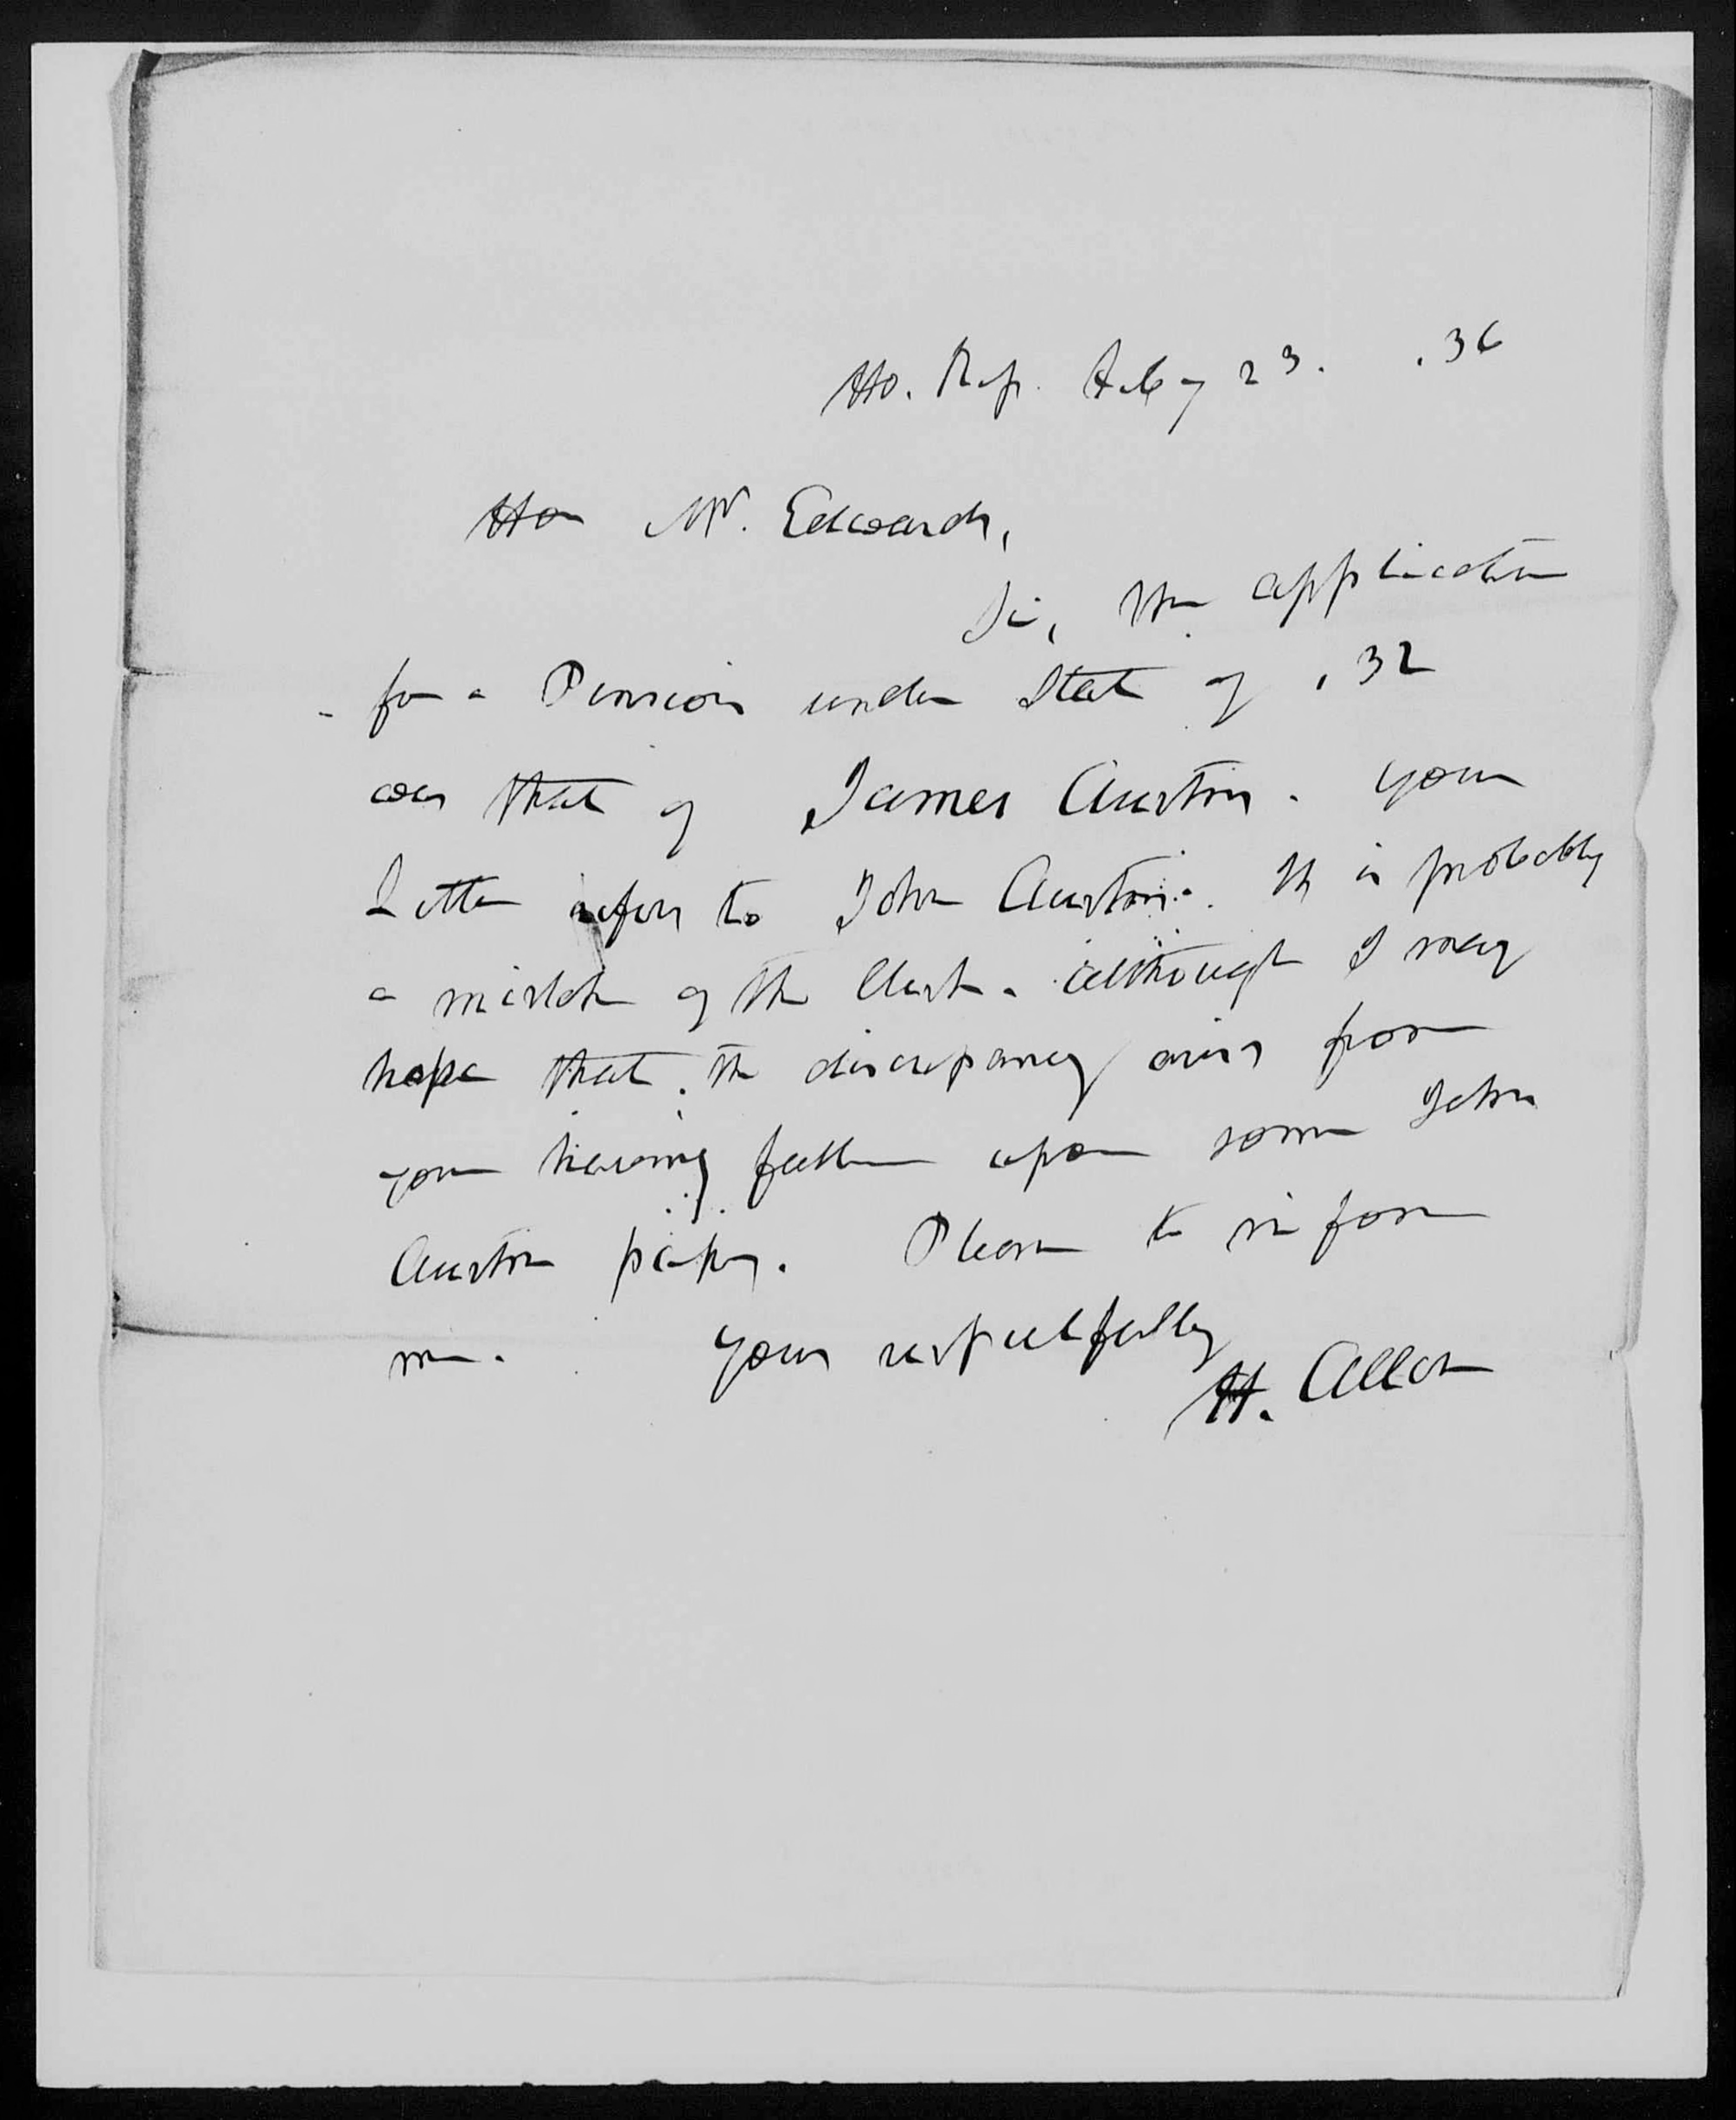Ho. Rep. Feb 7 23.  .36

Hon W. Edwards, 
Sir, the application for a pension under Stat of .32 was that of James Austin. Your letter refers to John Austin. Th is probably a mistake of the clerk, although I may hope that the discrepancy arises from you having fallen upon some John Austin papers. Please to inform me.
Your respectfully
H. Allen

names: James Austin, John Austin, H Allen, Edwards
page: 96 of 100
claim: survivor's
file: S 19186, James Austin, Conn. New York R.I.